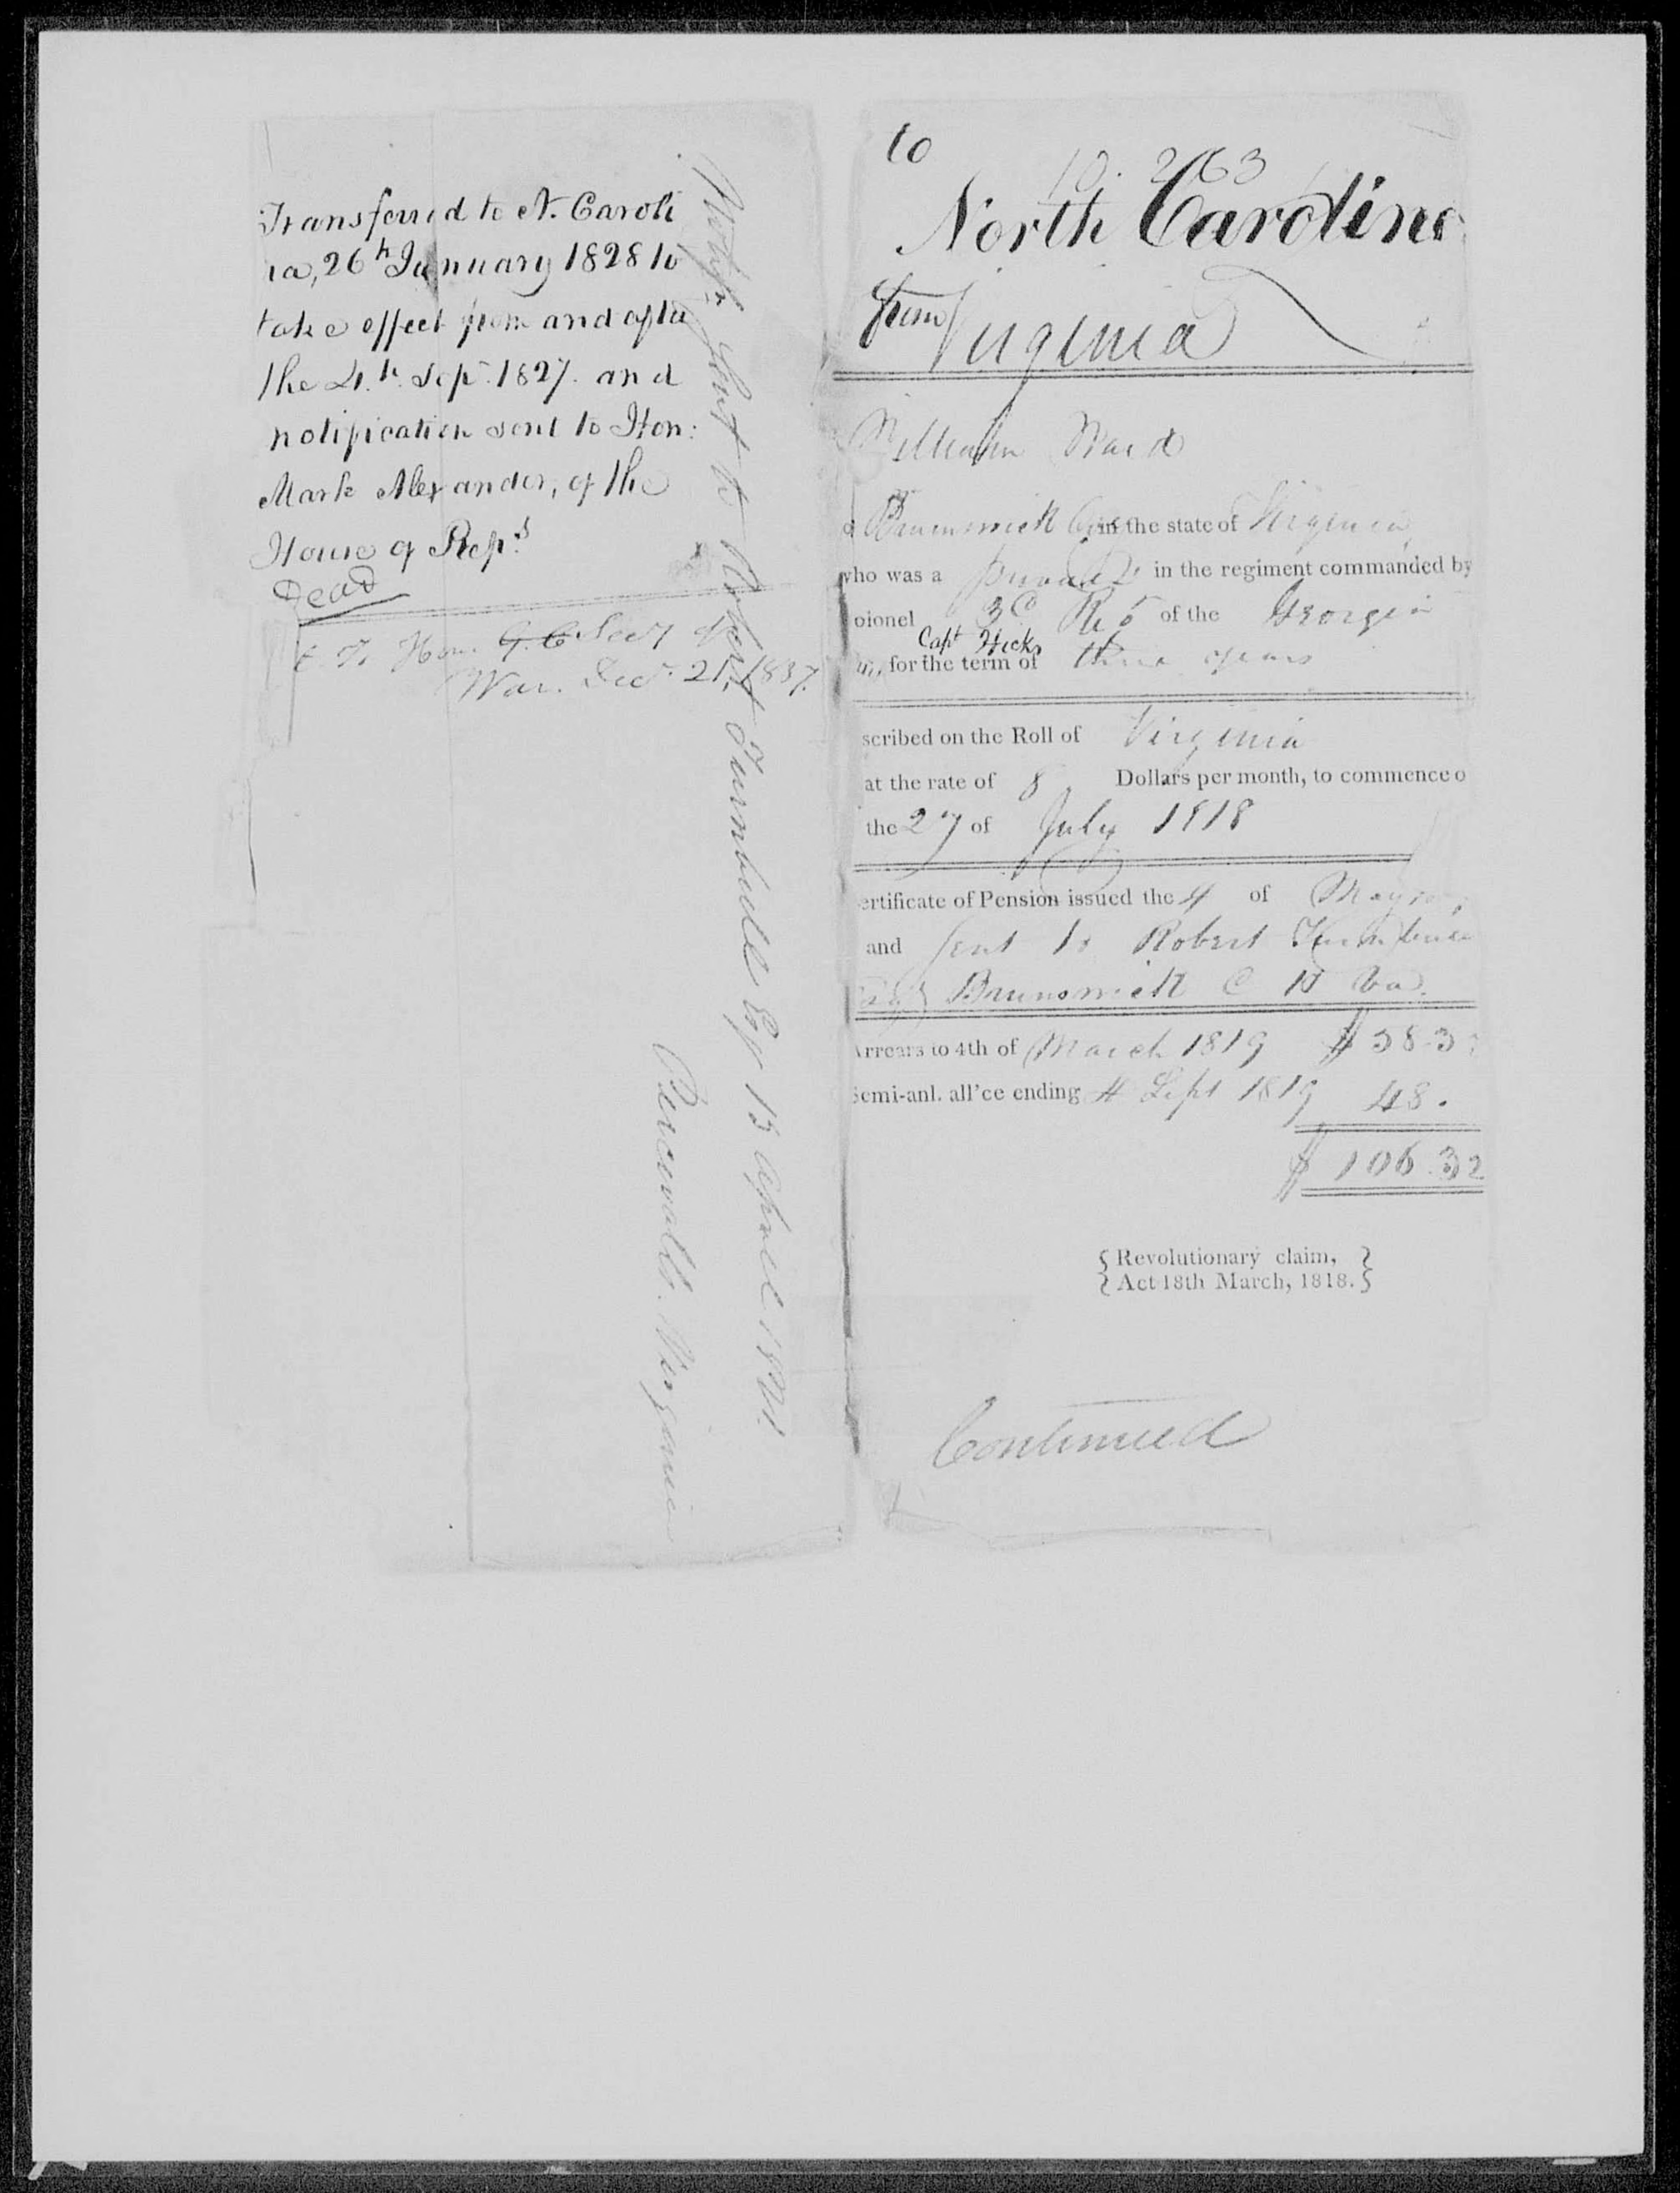Transferred to N Carolina
 26th January 1828 to 
take effect from and after
 the 4th Sep 1827 and 
notification sent to Hon. 
Mark Alexander, of the 
House of Reps.
Dead
Sent to Hon G C Sec’y of War Dec 21, 1837

[vertical writing, middle of page]
Notif’n sent to Robert Turnbull Esq 15 April 1821
Percevalls [Purcellville], Virginia

10.263
to North Carolina 
from Virginia

William Ward of Brunswick Co in the state of Virginia who was a private in the regiment commanded by Colonel Capt. Hicks 3d Reg of the Georgia line, for the term of three years
 
Inscribed on the roll of Virginia at the rate of 8 Dollars per month, to commence on the 27 of July, 1818

Certificate of Pension issued the 4 of May [illegible] and sent to Robert Turnbull Esq’r Brunswick Cty Va

Arrears to the 4th of March 1819 $58.32
Semi-anl. All’ce ending 4 Sept 1819 48.
$106.32

{Revolutionary claim, Act 18th March, 1818.}

 Continued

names: Alexander, Robert Turnbull, William Ward, Hicks, Robert Turnbull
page: 2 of 17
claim: survivor's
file: S. 42053, William Ward, Ga.